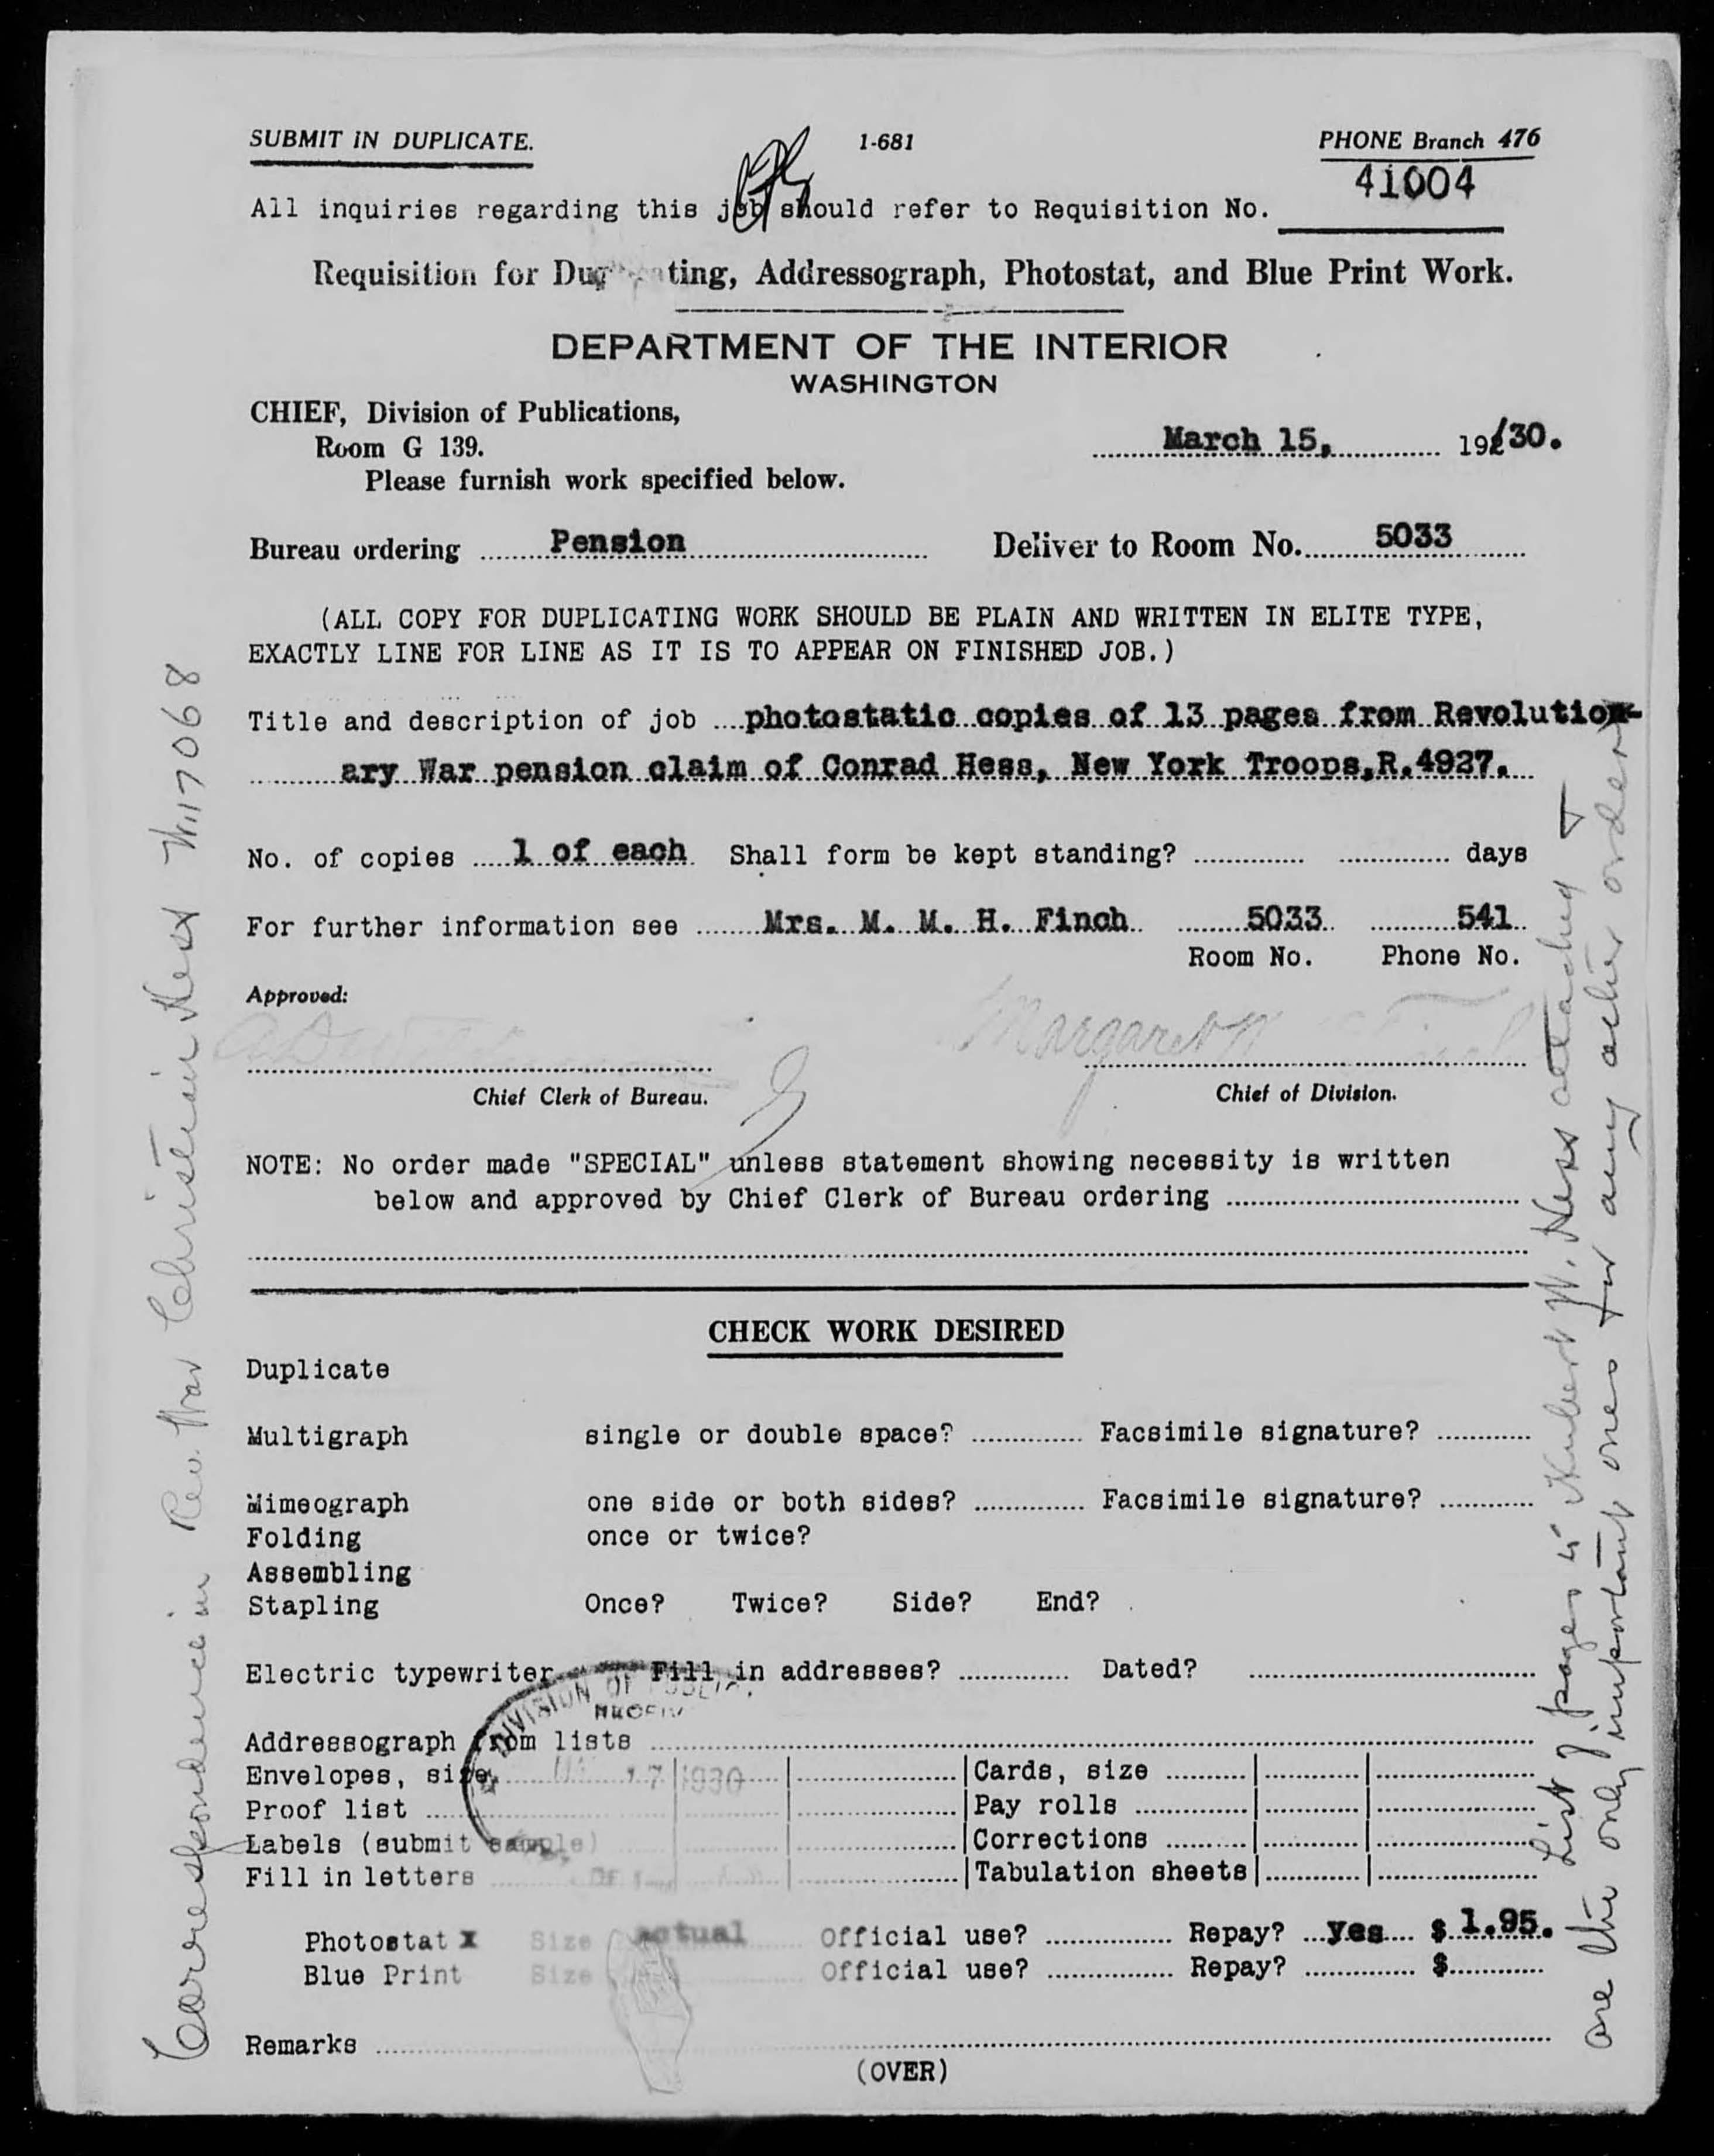SUBMIT IN DUPLICATE 1-681 PHONE Branch 476 [illegible initials]
All Inquiries regarding this job should refer to Requisition No. 41004
Requisition for [illegible], Addressograph, Photostat, and Blue Print Work.
DEPARTMENT OF THE INTERIOR
WASHINGTON
CHIEF, Division of Publications. Room G 139.
Please furnish work specified below.
March 15, 1930.
Bureau ordering Pension Deliver to Room No. 5033
(ALL COPY FOR DUPLICATING WORK SHOULD BE PLAIN AND WRITTEN IN ELITE TYPE, EXACTLY LINE FOR LINE AS IT IS TO APPEAR IN FINISHED JOB.)
Title and description of job photostatic copies of 13 pages from Revolutionary War pension claim of Conrad Hess, New York Troops, R 4927.
No. of copies 1 of each Shall form be kept standing? ______  ____ days
For further information see Mrs. M. M. H. Finch  5033          541
Room No.  Phone No.
Approved: [illegible] signature] Chief clerk of the Bureau
[illegible signature] Chief of Division
NOTE: No order made "SPECIAL' unless statement showing necessity is written below and approved by Chief Clerk of Bureau ordering

CHECK WORK DESIRED
Duplicate
Multigraph single or double spaced? Facsimile signature?
Mimeograph  one side or both sides?  Facsimile signature?
Folding once or twice?
Assembling
Stapling Once? Twice? Side? End?
Electric typewriter  Fill in Addresses?  Dated?
Envelopes, size
Proof List
Labels (submit sample)
Fill in letters
Cards, size
Pay rolls
corrections
Tabulation sheets
Photostat X Size Actual Official use? Repay yes $1.95
Blue Print  Size Official use?  Repay   $
Remarks
(OVER)
[written on left hand side by hand] Correspondence Rev War Christian Hess N. 17068
[written on right hand side by hand] list of pages Hubert W. Hess attached + are the only important ones for any active order
[stamp] DIVISION OF PUBLICNM[ILLEGIBLE] 17 1930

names: A D Willinson, Conrad Hess, Margaret M H Finch, M M H Finch, Hubert W Hess, Christian Hess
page: 20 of 30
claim: rejected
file: R. 4927, Conrad Hess, New York